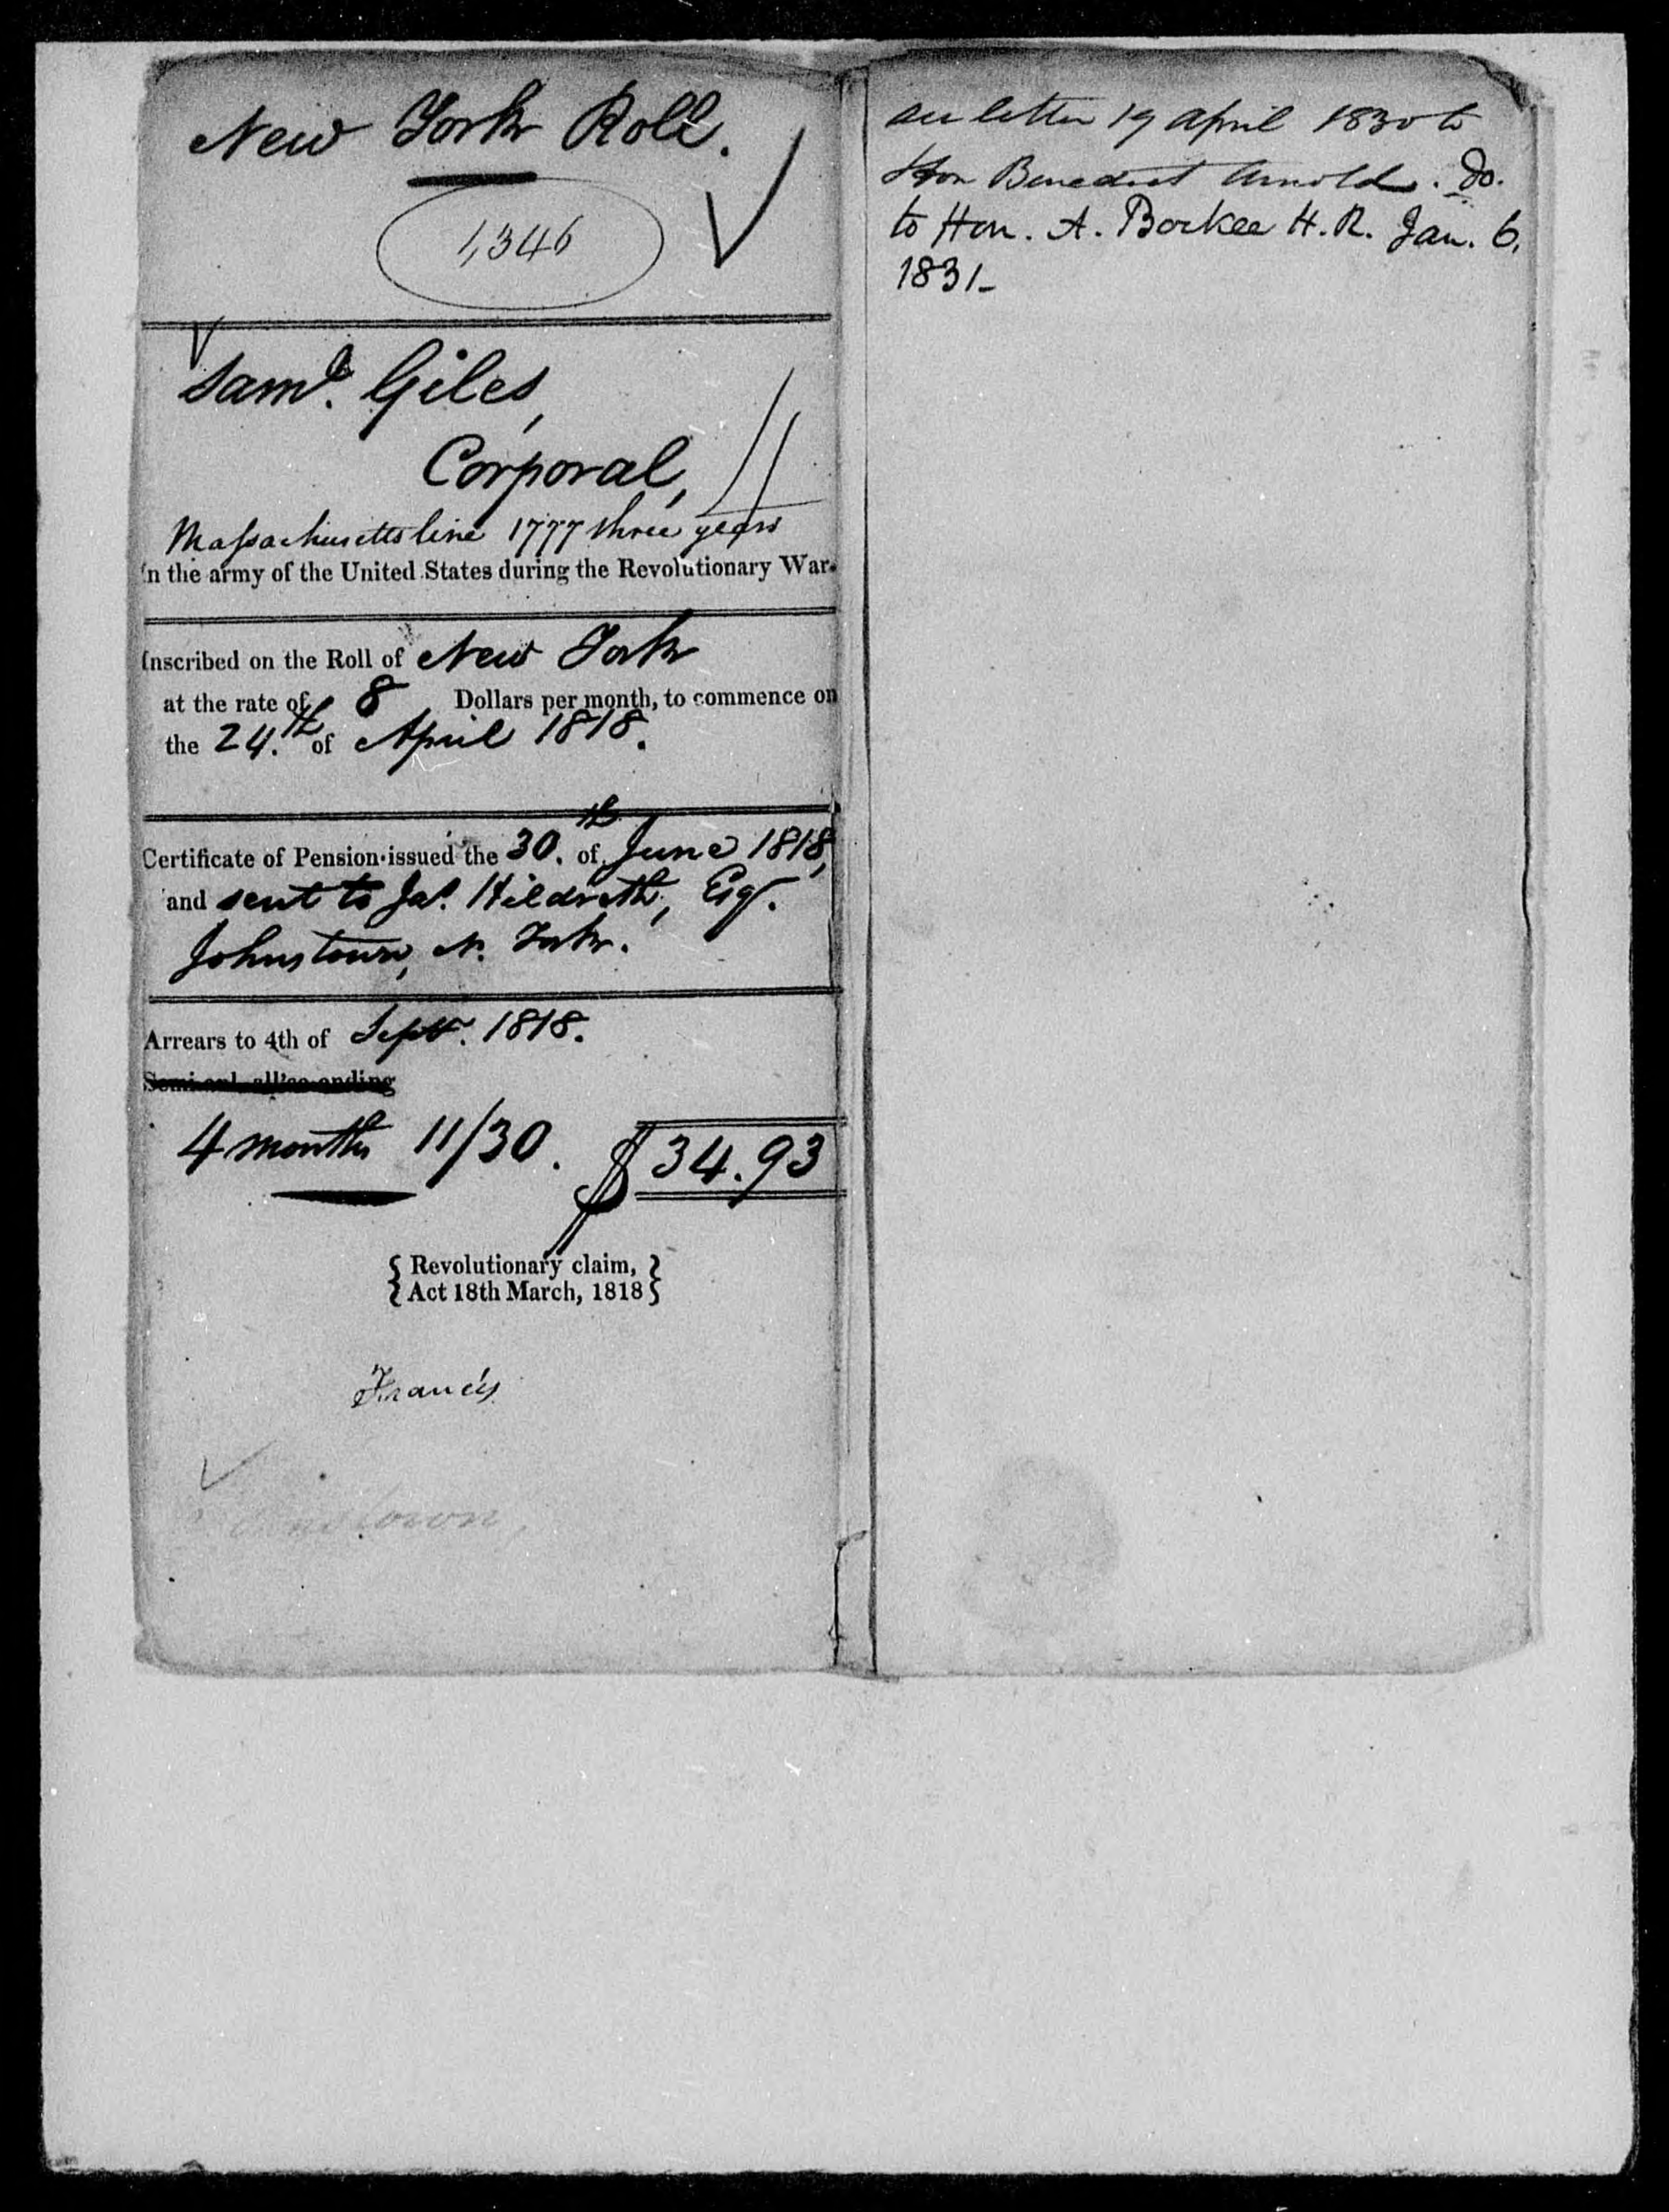New York Roll.
1,346 [circled] [check mark]
see letter 19 April 1830 to Hon Benedict Arnold.  Jo.  to Hon. A. Bockee H. R. Jan. 6, 1831.
Saml. Giles, Corporal
Massachusetts line 1777 three years
in the army of the United States during the Revolutionary War.
Inscribed on the Roll of New York
at the rate of 8 Dollars per month, to commence on the 24.th of April 1818.
Certificate of Pension-issued the 30.th of June 1818, and sent to Jas. Hildeth, Esq. 
Johnstown, N. York.
Arrears to 4th of Sept. 1818.
[crossed out]
4 months 11/30. $34.93 {Revolutionary claim, A
Act 18th March, 1818}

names: Benedict Arnold, A Bockee, Francis, Saml Giles, Jas Hildreth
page: 35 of 55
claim: widow's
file: W. 19503, Samuel Giles, Conti. Mass. New York